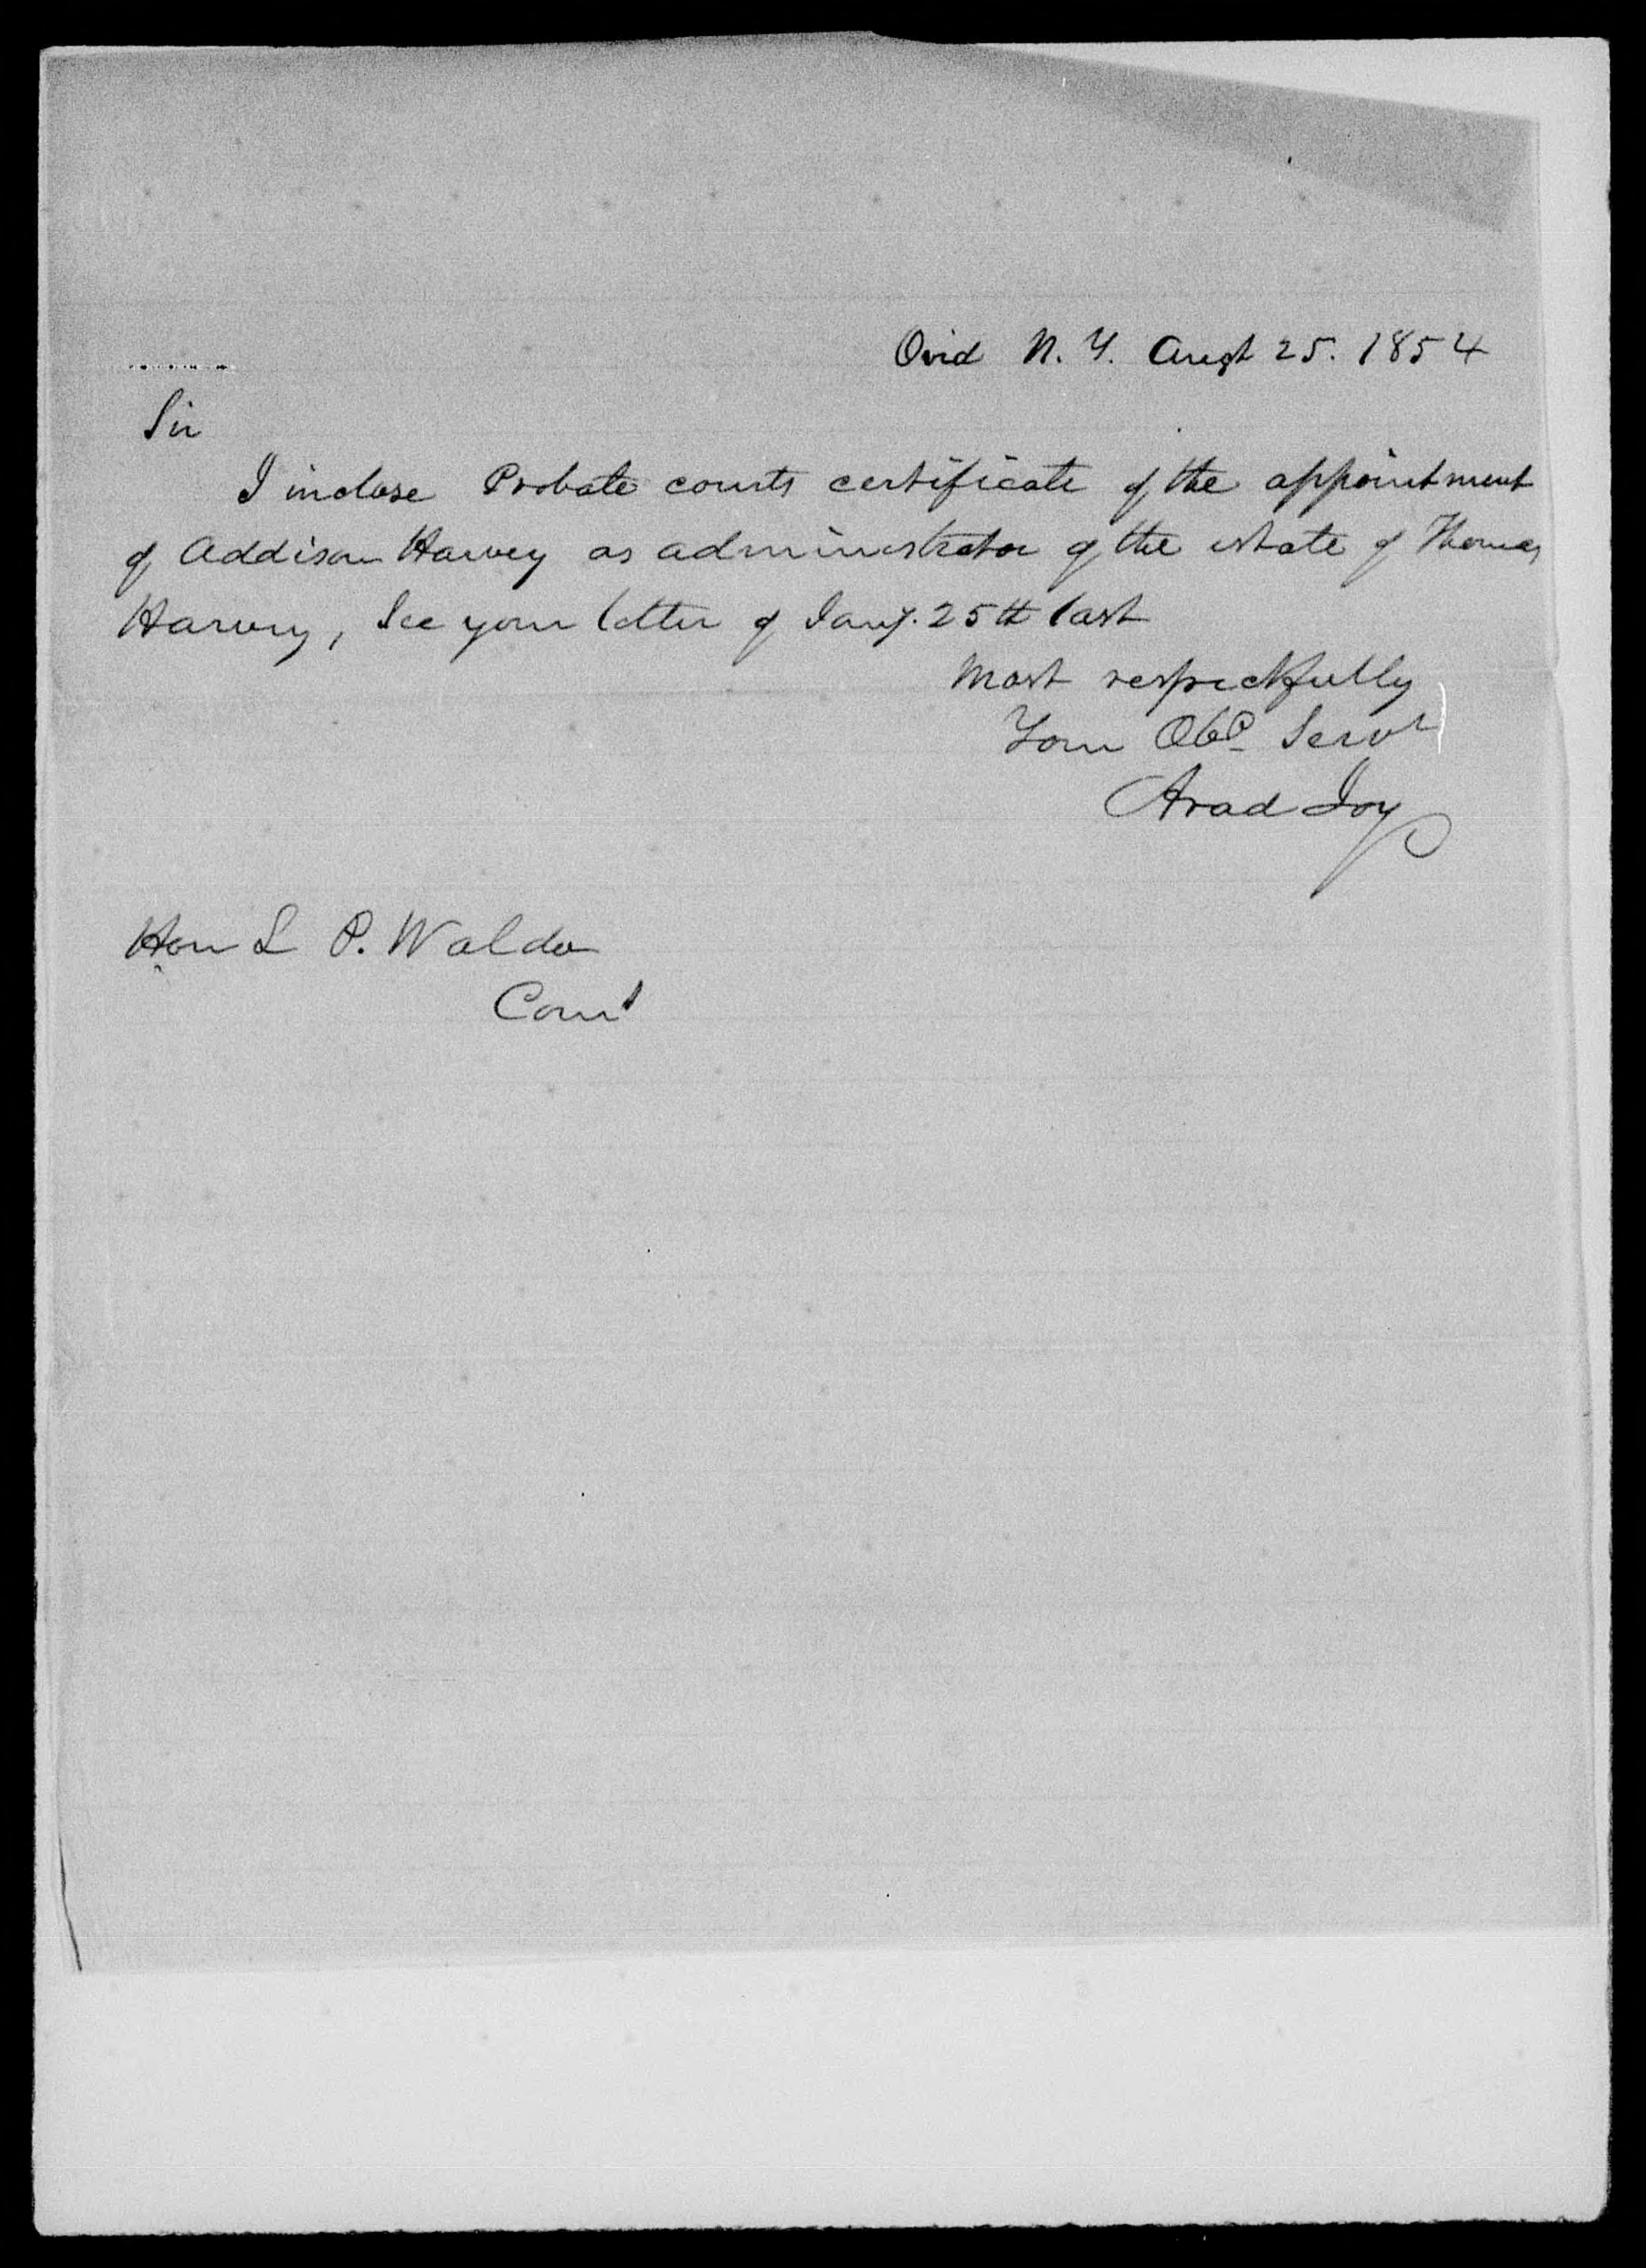[handwritten letter]
Ovid N.Y. Augt 25, 1854

Sir
I inclose Probate courts certificate of the appointment of Addison Harvey as administrator of the estate of Thomas Harvey, See your letter of Jan'y 25th last
Most respectfully Your Obt. Serv't
/s/Arad Joy
Hon. L. P. Waldo 
Com'r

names: Thomas Harvey, Arad Joy, L P Waldo, Addison Harvey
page: 22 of 80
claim: survivor's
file: S. 18008, Thomas Harvey, N.H.